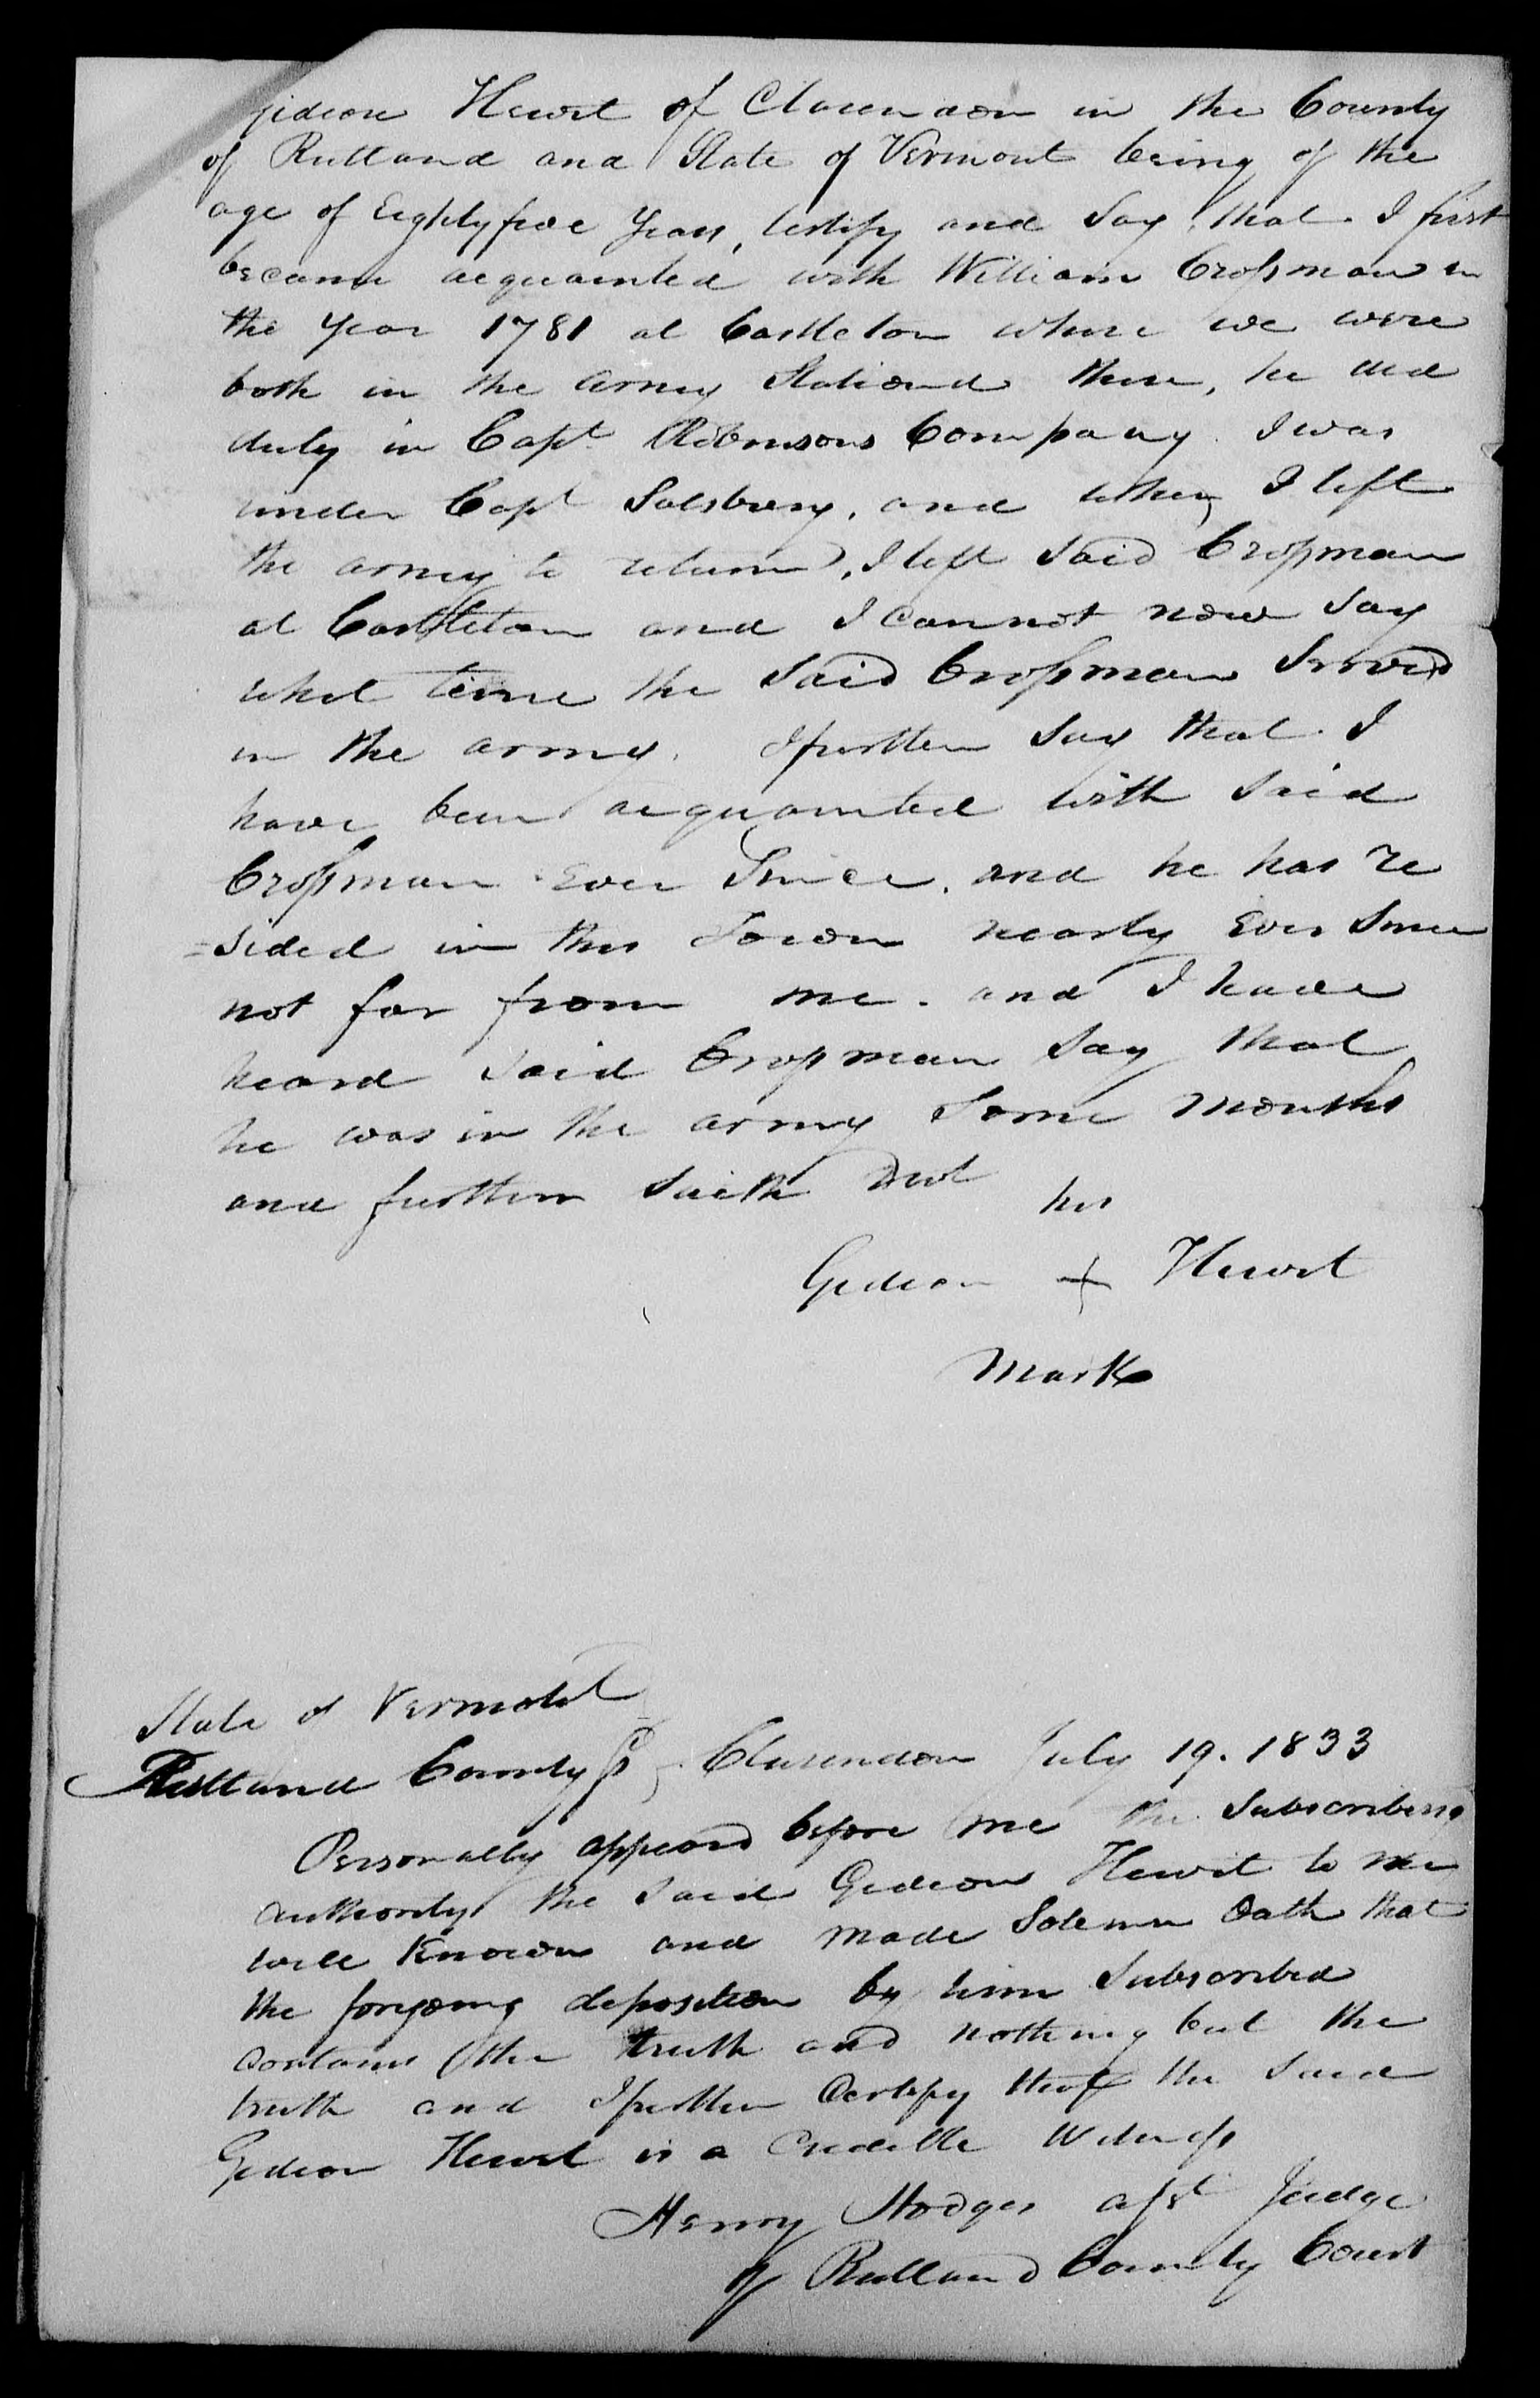Gideon Hewit of Clarendon in the County of Rutland and State of Vermont being of the age of eighty five years, testify and say that I first became acquainted with William Crossman in the year 1781 at Castleton where we were both in the Army Stationed there, he did duty in Capt Robinsons Company. I was under Capt Salsbury, and when I left the army to return, I left said Crossman at Castleton and I cannot now say what time the said Crossman served in the army. I further say  that I have been acquainted with said Crossman ever since, and he has resided in this Town nearly ever since not far from me. and I have heard said Crossman say that he was in the army some months and further saith not
/s/X his mark Gideon Hewit

State of Vermont
Rutland County ss} Clarendon July 19. 1833
Personally appears before me the subscribing authority the said Gideon Hewit to me well known and made Solemn Oath that the foregoing deposition by him Subscribed contains the truth and nothing but the truth and I further certify that the said Gideon Hewit is a credible witness
/s/Henry Hodges asst Judge of Rutland County Court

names: William Crossman, Crossman, Gideon Hewit, Crossman, Crossman, Gideon Hewit, Gideon Hewit, Salsbury, Crossman, Henry Hodges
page: 23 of 33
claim: survivor's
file: S. 12632, William Crossman, Mass. Vt.